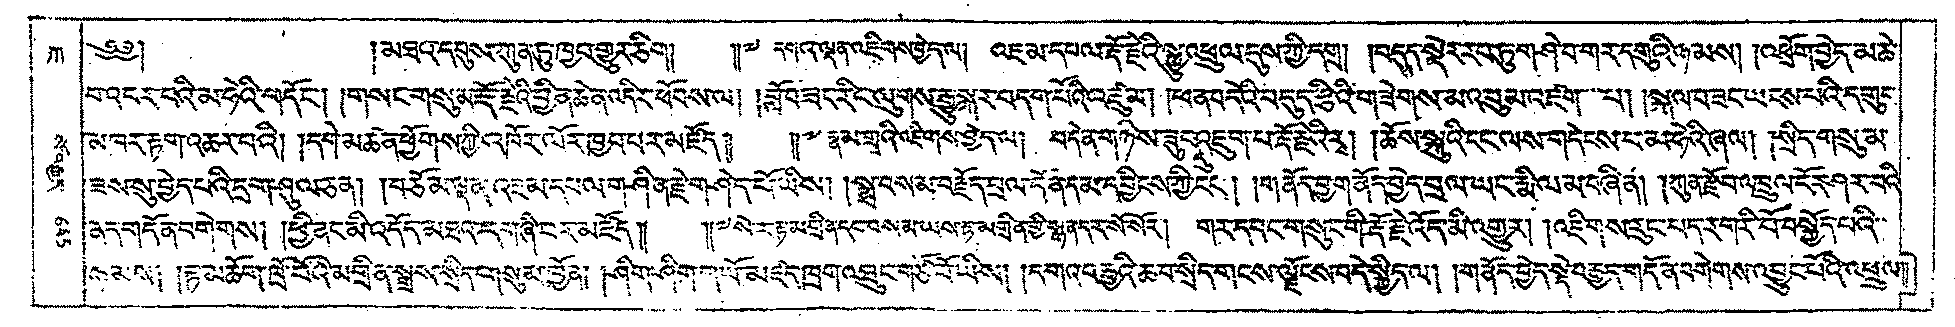༄༅། །མཐའ་དབུས་ཀུན་ཏུ་ཁྱབ་གྱུར་ཅིག ། །། ༧་དགའ་ལྡན་འཇིགས་བྱེད་ལ།  འཇམ་དཔལ་རྡོ་རྗེའི་སྒྱུ་འཕྲུལ་དུས་ཀྱི་དགྲ། །བདུད་སྡེར་རབ་ཏུ་གཤེ་བ་གར་དགུའི་ཉམས། །འཕྲོག་བྱེད་མཆེ་
བ་འབར་བའི་མ་ཧེའི་གདོང་། །གསང་གསུམ་རྡོ་རྗེའི་བྱིན་ཆེན་འདིར་ཕོབས་ལ། །བློ་བཟང་རིང་ལུགས་རྒྱུ་སྐར་བདག་པོའི་འཛུམ། །ཕན་བདེའི་བདུད་རྩིའི་གཟེགས་མ་འབུམ་འཛག་པ། །སྐལ་བཟང་ཡངས་པའི་དགུང་
མཁར་རྟག་འཆར་བའི། །དགེ་མཚན་ཕྱོགས་ཀྱི་འཁོར་ལོར་ཁྱབ་པར་མཛོད།། །། ༧་རྣམ་གྲྭའི་འཇིགས་བྱེད་ལ།  བདེན་གཉིས་ཟུང་དུ་འཇུག་པ་རྡོ་རྗེའི་རྭ། །ཆོས་སྐུའི་ངང་ལས་གདེངས་པ་མ་ཧེའི་ཞལ། །སྲིད་གསུམ་
ཟས་སུ་བྱེད་པའི་དྲག་ཤུལ་ཅན། །བཅོམ་ལྡན་འཇམ་དཔལ་གཤིན་རྗེ་གཤེད་པོ་ཡིས། །སྨྲ་བསམ་བརྗོད་བྲལ་དོན་དམ་དབྱིངས་ཀྱི་ངང་། །གནོད་བྱ་གནོད་བྱེད་བྲལ་ཡང་རྨི་ལམ་བཞིན། །ཀུན་རྫོབ་འཁྲུལ་ངོར་ཤར་བའི་
ནད་གདོན་བགེགས། །ཕྱི་ནང་མི་འདོད་མཐའ་དག་ཞི་བར་མཛོད།། །། ༧་སེ་ར་རྟ་མགྲིན་དང་བསམ་ཡས་རྟ་མགྲིན་གྱི་སྙན་དར་སོ་སོར།  གར་དབང་གསུང་གི་རྡོ་རྗེ་འོད་མི་འགྱུར། །འཇིགས་རུང་པད་རག་རི་བོ་བསྐྱོད་པའི་
ཉམས། །རྟ་མཆོག་ཁྲོ་བོའི་མགྲིན་སྒྲས་སྲིད་གསུམ་ཁྱོན། །ཤིག་ཤིག་གཡོ་མཛད་ཁྲག་འཐུང་གཙོ་བོ་ཡིས། །དགའ་བརྒྱའི་ཆབ་སྲིད་གངས་ལྗོངས་བདེ་སྐྱིད་ལ། །གནོད་བྱེད་སྡེ་བརྒྱད་གདོན་བགེགས་འབྱུང་པོའི་འཕྲུལ།།